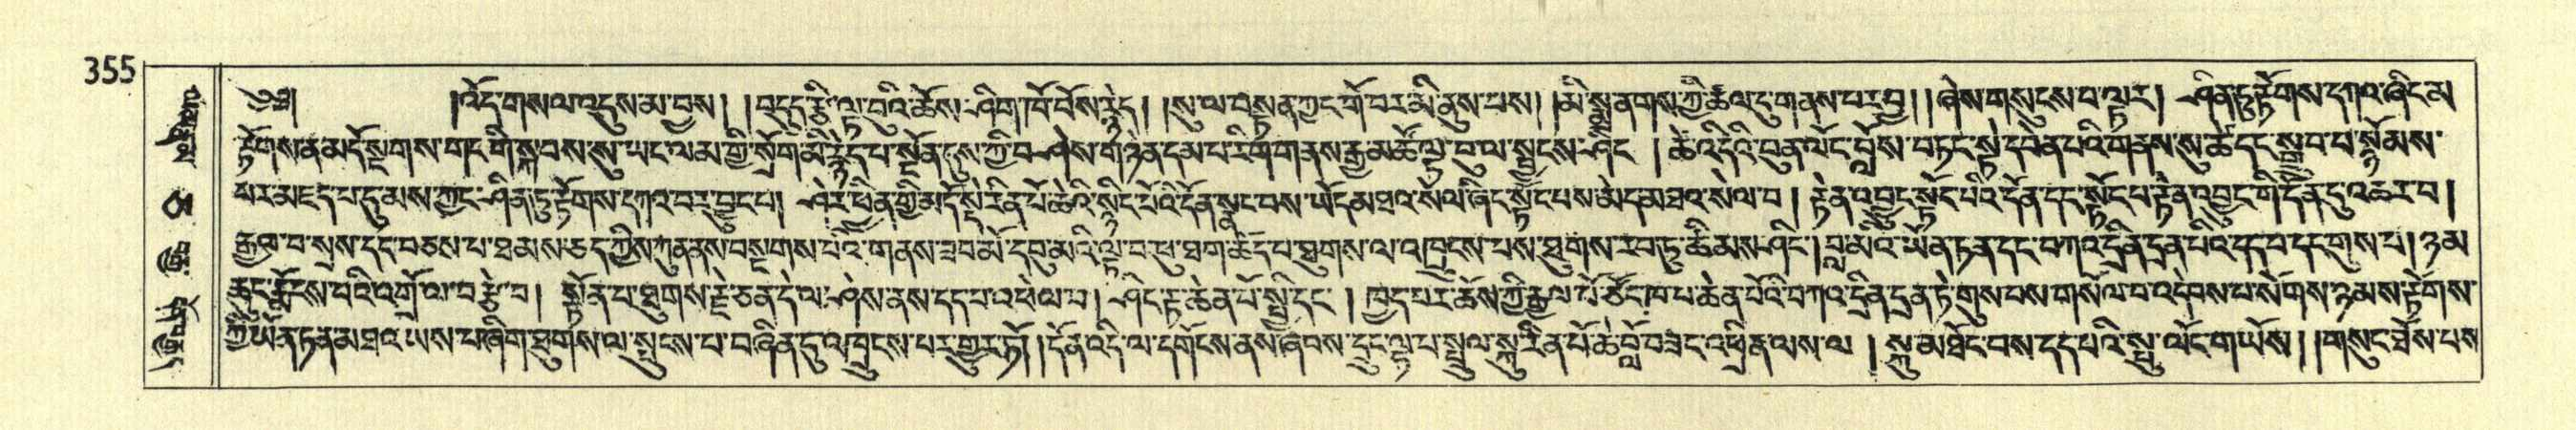༄༅། །འོད་གསལ་འདུས་མ་བྱས། །བདུད་རྩི་ལྟ་བུའི་ཆོས་ཤིག་ཁོ་བོས་རྙེད། །སུ་ལ་བསྟན་ཀྱང་གོ་བར་མི་ནུས་པས། །མི་སྨྲ་ནགས་ཀྱི་ཚལ་དུ་གནས་པར་བྱ། །ཞེས་གསུངས་པ་ལྟར། ཤིན་ཏུ་རྟོགས་དཀའ་ཞིང་མ་
རྟོགས་ན་མདོ་སྔགས་གང་གི་སྐབས་སུ་ཡང་ལམ་གྱི་སྲོག་མི་རྙེད་པ་སྔོན་དུས་ཀྱི་བཤེས་གཉེན་དམ་པ་རིག་གནས་རྒྱ་མཚོ་ལྟ་བུ་ལ་སྦྱངས་ཤིང་།ཚེ་འདིའི་བུན་ལོང་བློས་བཏང་སྟེ་དབེན་པའི་གནས་སུ་ཚེ་དང་སྒྲུབ་པ་སྙོམས་
པར་མཇད་པ་དུ་མས་ཀྱང་ཤིན་ཏུ་རྟོགས་དཀའ་བར་བྱུང་པ། ཤེར་ཕྱིན་གྱི་མདོ་སྡེ་རིན་པོ་ཆེའི་སྙིང་པོའི་དོན་སྣང་བས་ཡོད་མཐའ་སེལ་ཞིང་སྟོང་པས་མེད་མཐའ་སེལ་བ། རྟེན་འབྱུང་སྟོང་པའི་དོན་དང་སྟོང་པ་རྟེན་འབྱུང་གི་དོན་དུ་འཆར་བ།
རྒྱལ་བ་སྲས་དང་བཅས་པ་ཐམས་ཅད་ཀྱིས་ཀུན་ནས་བསྔགས་པའི་གནས་ཟབ་མོ་དབུ་མའི་ལྟ་བ་ཕུ་ཐག་ཆོད་པ་ཐུགས་ལ་འཁྲུངས་པས་ཐུགས་རབ་ཏུ་ཚིམས་ཤིང་།བླ་མའི་ཡོན་ཏན་དང་བཀའ་དྲིན་དྲན་པའི་དད་བ་དང་གུས་པ། ཉམ་
ཆུང་རྨོངས་པའི་འགྲོ་ལ་བརྩེ་བ། སྟོན་པ་ཐུགས་རྗེ་ཅན་དེ་ལ་ཤེས་ནས་དད་པ་འཕེལ་བ། ཤིང་རྟ་ཆེན་པོ་སྤྱི་དང་། ཁྱད་པར་ཆོས་ཀྱི་རྒྱལ་པོ་ཙོང་ཁ་པ་ཆེན་པོའི་བཀའ་དྲིན་དྲན་ཏེ་གུས་པས་གསོལ་བ་འདེབས་པ་སོགས་ཉམས་རྟོགས་
ཀྱི་ཡོན་ཏན་མཐའ་ཡས་པ་ཞིག་ཐུགས་ལ་སྤུངས་པ་བཞིན་དུ་འཁྲུངས་པར་གྱུར་ཏོ། །དོན་འདི་ལ་དགོངས་ནས་ཞབས་དྲུང་ལྷ་པ་སྤྲུལ་སྐུ་རིན་པོ་ཆེ་བློ་བཟང་འཕྲིན་ལས་ལ་།སྐུ་མཐོང་བས་དད་པའི་སྤུ་ལོང་གཡོས། །གསུང་ཐོས་པས་